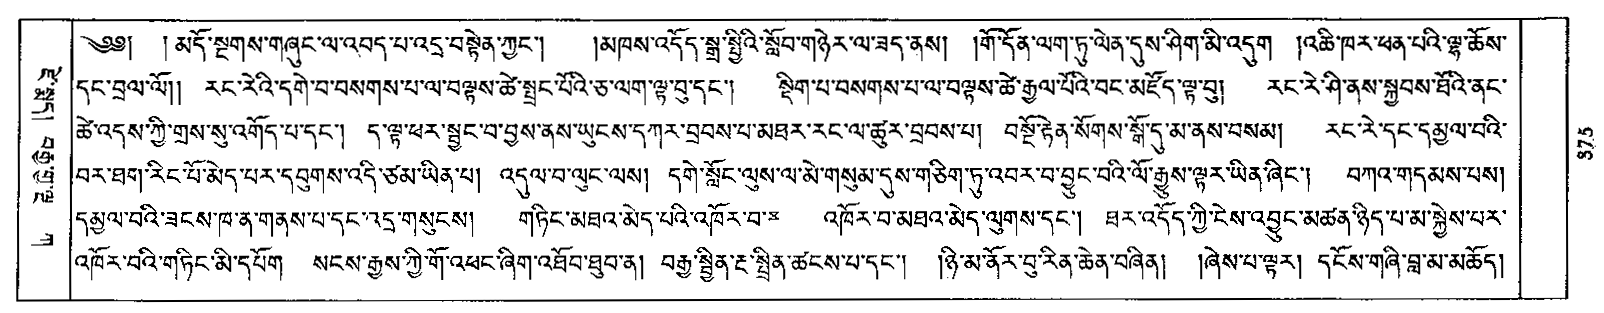༄༅། །མདོ་སྔགས་གཞུང་ལ་འབད་པ་འདྲ་བསྟེན་ཀྱང་། །མཁས་འདོད་སྒྲ་སྤྱིའི་སློབ་གཉེར་ལ་ཟད་ནས། །གོ་དོན་ལག་ཏུ་ལེན་དུས་ཤིག་མི་འདུག །འཆི་ཁར་ཕན་པའི་ལྷ་ཆོས་
དང་བྲལ་ལོ།། རང་རེའི་དགེ་བ་བསགས་པ་ལ་བལྟས་ཚེ་སྤྲང་པོའི་ཅ་ལག་ལྟ་བུ་དང་། སྡིག་པ་བསགས་པ་ལ་བལྟས་ཚེ་རྒྱལ་པོའི་བང་མཛོད་ལྟ་བུ། རང་རེ་ཤི་ནས་སྐྱབས་ཐོའི་ནང་
ཚེ་འདས་ཀྱི་གྲས་སུ་འགོད་པ་དང་། ད་ལྟ་ཕར་སྦྱང་བ་བྱས་ནས་ཡུངས་དཀར་བྲབས་པ་མཐར་རང་ལ་ཚུར་བྲབས་པ། བསྔོ་རྟེན་སོགས་སྒོ་དུ་མ་ནས་བསམ། རང་རེ་དང་དམྱལ་བའི་
བར་ཐག་རིང་པོ་མེད་པར་དབུགས་འདི་ཙམ་ཡིན་པ། འདུལ་བ་ལུང་ལས། དགེ་སློང་ལུས་ལ་མེ་གསུམ་དུས་གཅིག་ཏུ་འབར་བ་བྱུང་བའི་ལོ་རྒྱུས་ལྟར་ཡིན་ཞིང་། བཀའ་གདམས་པས།
དམྱལ་བའི་ཟངས་ཁ་ན་གནས་པ་དང་འདྲ་གསུངས། གཏིང་མཐའ་མེད་པའི་འཁོར་བ་྾་འཁོར་བ་མཐའ་མེད་ལུགས་དང་། ཐར་འདོད་ཀྱི་ངེས་འབྱུང་མཚན་ཉིད་པ་མ་སྐྱེས་པར་
འཁོར་བའི་གཏིང་མི་དཔོག་སངས་རྒྱས་ཀྱི་གོ་འཕང་ཞིག་འཐོབ་ཐུབ་ན། བརྒྱ་སྦྱིན་རྔ་སྤྲིན་ཚངས་པ་དང་། །ཉི་མ་ནོར་བུ་རིན་ཆེན་བཞིན། །ཞེས་པ་ལྟར། དངོས་གཞི་བླ་མ་མཆོད།